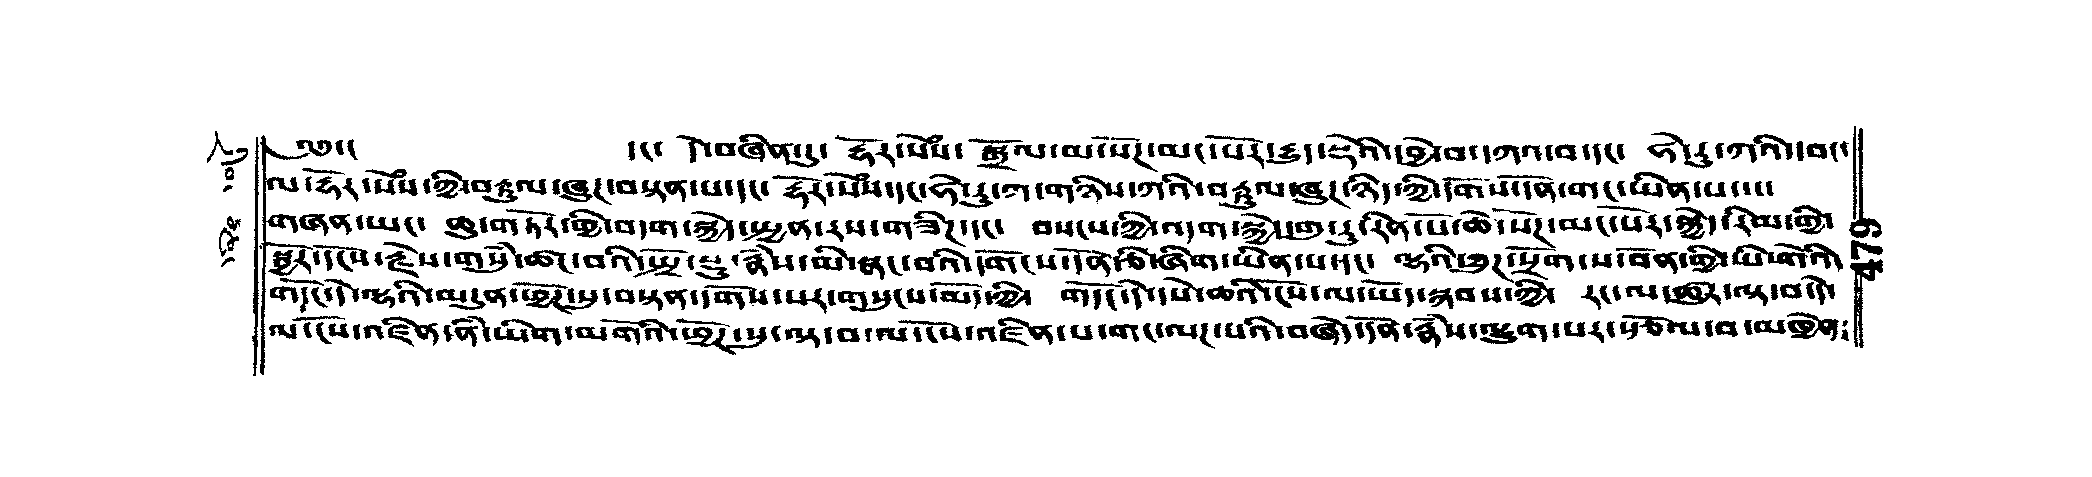དང་། དེ་བཞིན་དུ། རྡོར་སེམས། སྒྲོལ་མ་སོགས་མང་པོར་རྒྱུད་སྡེའི་དབྱེ་བ་དཀའ་བ་དང་། ཧེ་རུ་ཀའི་དབང་
ལ་རྡོར་སེམས་ཀྱི་བརྟུལ་ཞུགས་བསྟན་པ་དང་། རྡོར་སེམས་དང་ཧེ་རུ་ཀ་གཉིས་ཀའི་བརྟུལ་ཞུགས་ཉིད་ཀྱི་དགོས་དོན་གང་ཡིན་པ་དང་། 
གཞན་ཡང་། ཆུ་གཏོར་གྱི་བདག་སྐྱེད་སྤྱན་རས་གཟིགས་དང་། བསངས་ཀྱི་བདག་སྐྱེད་གུ་རུ་རིན་པོ་ཆེ་སོགས་མང་པོར་སྐྱེད་རིམ་གྱི་
སྦྱོར་དངོས་རྗེས་གསུམ་ཚང་བའི་སྤྲོ་སྡུ་རྣམས་མི་སྣང་བའི་དགོངས་དོན་ཅི་ཞིག་ཡིན་པ་དང་། ལྷའི་ཐུགས་སྲོག་ས་བོན་གྱི་ཡི་གེའི་
གདོང་དེ་ལྷའི་མདུན་ཕྱོགས་སུ་བསྟན་དགོས་པར་གསུངས་མོད་ཀྱི། གདོང་དེ་དཔེ་ཆའི་ངོས་ལ་ཡོད་སྐབས་ཀྱི། རང་ལ་ཚུར་ལྟ་བ་དེ་
ལ་ངོས་འཛིན་ནམ་ཡིག་མགོའི་ཕྱོགས་སུ་ལྟ་བ་ལ་ངོས་འཛིན་པ་གང་ལགས་པའི་བཞེད་དོན་རྣམས་ལྷུག་པར་སྩོལ་བ་མཁྱེན།